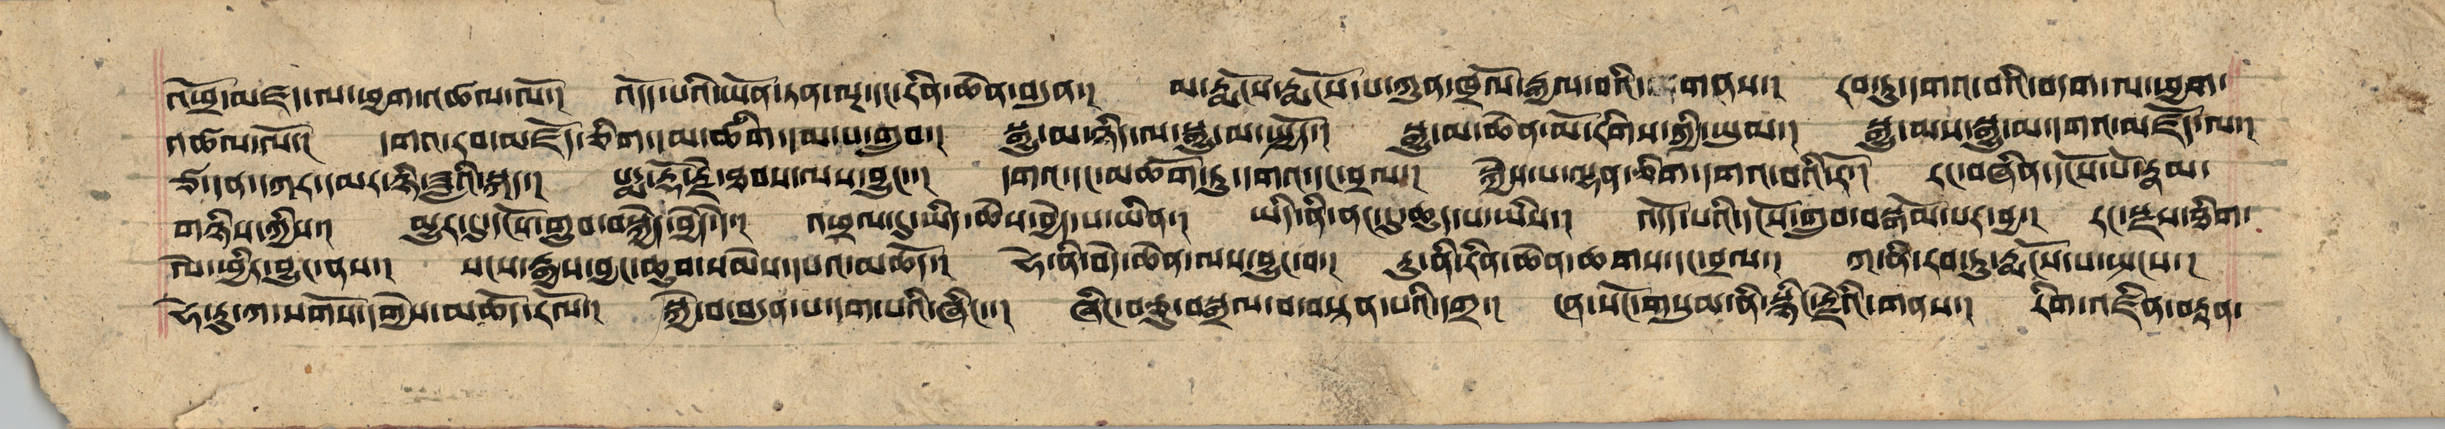འཕྲོ་མཛད་ལ་ཕྱག་འཚལ་ལོ་། འདོད་པའི་ཡོན་ཏན་ལྔ་དང་རིན་ཆེན་བདུན་། མ་རྨོངས་རྨོངས་པ་ཀུན་ཁྲོལ་རྒྱལ་བའི་ གནས་། རབ་ཏུ་དགའ་བའི་བདག་ལ་ཕྱག་
འཚལ་ལོ་། དགའ་རབ་མཛོད་ཅིག་དམ་ཚིག་དམ་པ་གྲུབ་། སྒྱུ་མ་ཉིད་ལ་སྒྱུ་མ་སྤྱོད་། སྒྱུ་མ་ཆེན་མོ་རིགས་ཀྱི་ཡུམ་། སྒྱུ་མས་སྒྱུ་མ་དགའ་མཛོད་ལ་།
ཙ་དན་དཀར་དམར་ཉི་ཟླའི་སྐད་། པདྨ་རྡོ་རྗེ་ཐབས་ལས་བྱུང་་། དགའ་དང་མཆོག་ཏུ་དགའ་དང་བྲལ་། སྐྱེས་པ་ལྷན་ཅིག་དགའ་བའི་རོ་། རང་བཞིན་དངོས་པོ་རྣམ་
གཉིས་ཀྱིས་། མྱུར་དུ་དངོས་གྲུབ་བསྐྱེད་བྱེད་དེ་། འཕྲལ་དུ་ཡིད་ཆེས་བྱེད་པ་ཡིན་། ཡིད་ནི་ནང་དུ་ཆུད་པ་ཡིས་། འདོད་པའི་དངོས་གྲུབ་བསྒོམ་པར་བྱ་། རང་སྫས་ཐིག་
ལེ་ཕྱིར་བྱུང་ནས་། སངས་རྒྱས་བྱང་ཆུབ་སེམས་དཔའ་མཆོད་། ཧེ་ནི་བདེ་ཆེན་ལས་བྱུང་བ་། རུ་ནི་རིན་ཆེན་ཆགས་དང་བྲལ་། ཀ་ནི་རབ་ཏུ་རྨངོས་པ་སྤངས་།
ཧེ་རུ་ཀ་སོགས་དགྱེས་མཆོད་རོལ་། སྐྱེ་བ་བདུན་པ་དག་པའི་ཞིང་་། ཞིང་བཅུ་བསྒྲལ་བ་བསྟན་པའི་དགྲ་། ངན་སོང་གསུམ་ནི་སྙིང་རྗེའི་གནས་། རིག་འཛིན་བརྟན་